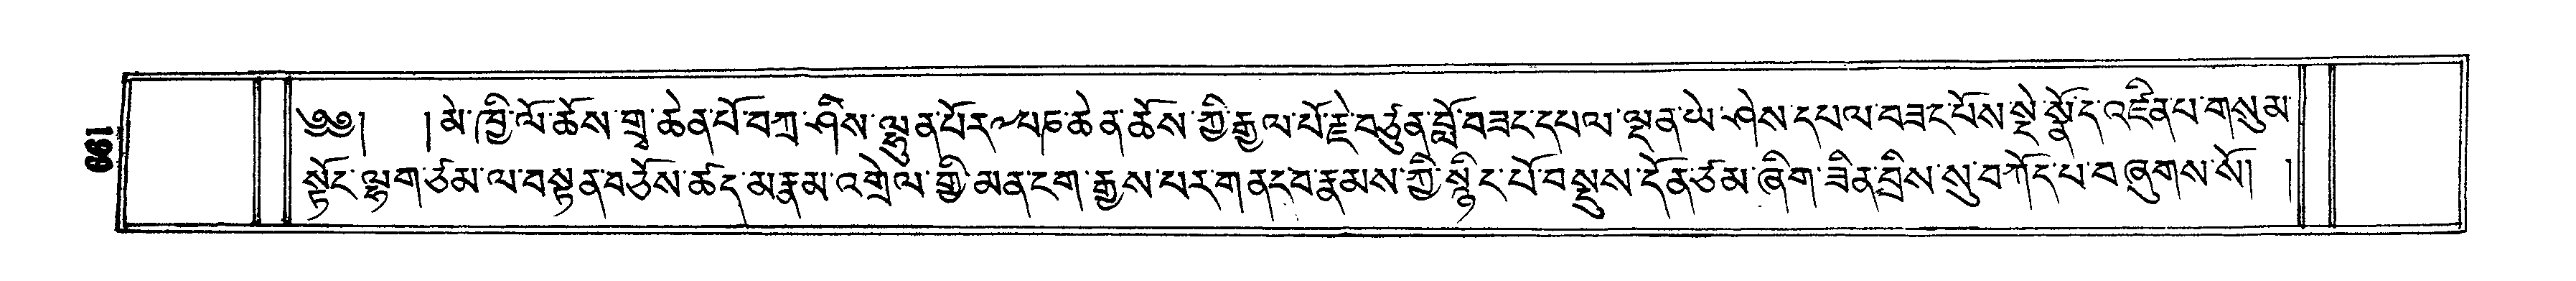༄༅། །མེ་ཁྱི་ལོ་ཆོས་གྲྭ་ཆེན་པོ་བཀྲ་ཤིས་ལྷུན་པོར ༧པཎ་ཆེན་ཆོས་ཀྱི་རྒྱལ་པོ་རྗེ་བཙུན་བློ་བཟང་དཔལ་ལྡན་ཡེ་ཤེས་དཔལ་བཟང་པོས་སྡེ་སྣོད་འཛིན་པ་གསུམ་
སྟོང་ལྷག་ཙམ་ལ་བསྟན་བཅོས་ཚད་མ་རྣམ་འགྲེལ་གྱི་མན་ངག་རྒྱས་པར་གནང་བ་རྣམས་ཀྱི་སྙིང་པོ་བསྡུས་དོན་ཙམ་ཞིག་ཟིན་བྲིས་སུ་བཀོད་པ་བཞུགས་སོ། །